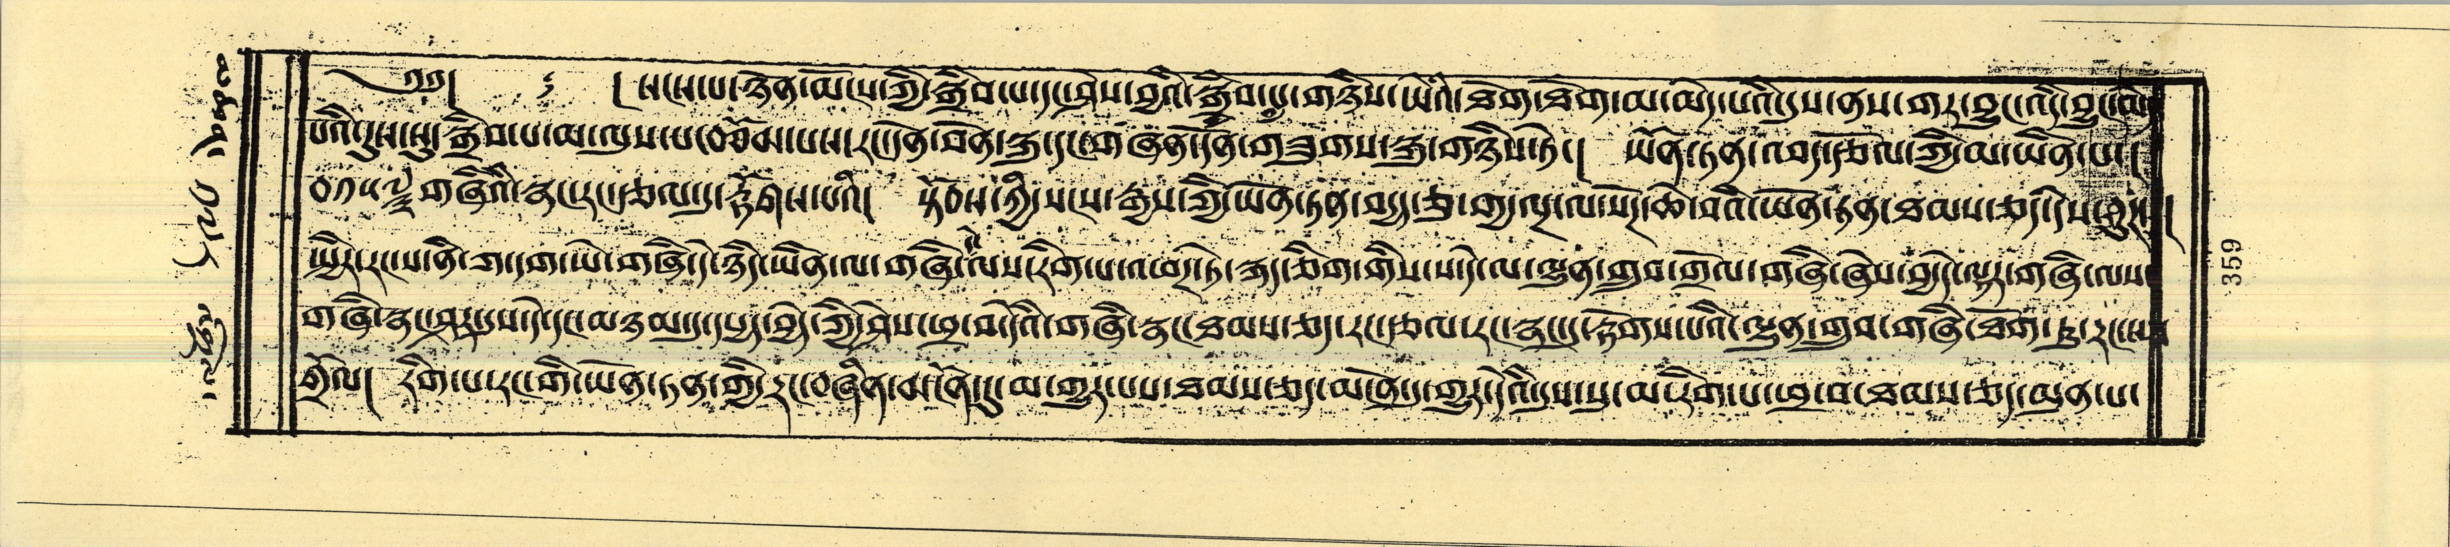༼སངས་པ་༽ཉོན་མོངས་ཀྱི་སྒྲིབ་པ་དང་ཤེས་བྱའི་སྒྲིབ་པ་གཉིས་ ༼ཡེའི་༽ཐོག་ཐོག་མ་མེད་པའི་དུས་ནས་གར་བྱུང་འདི་བྱུང་ཡེ་
པའི་ ༼དུས་སུ་༽སྒྲིབ་པ་མ་ལུས་པ་ ༼བཅོམ་པས་༽རང་དོན་བོན་སྐུ་དང་གཞན་དོན་གཟུགས་སྐུ་གཉིས་ཏེ། ༼ཡོན་ཏན་༽འབད་རྩོལ་ཀྱི་མ་ཡིན་པ། 
བ༡༥༧།༣ གཞིའི་སྣང་རང་རྩལ་དུ་ ༼རྟོགས་པའི།༽ ༼སྟོབས་ཀྱི་༽སངས་རྒྱས་ཀྱི་ཡོན་ཏན་བརྒྱད་ཅུ་བརྒྱ་ལྔ་ལ་སོགས་ཆེ་བའི་ཡོན་ཏན་ཐམས་ཅད་དེས་ ༼ཤུགས་༽
སྤྱིར་རང་ས་ནི་ཀ་དག་ཡེ་གཞི་དེ་ཉིད་ཡིན་ལ་གཞི་ལས་རིག་པ་འཕགས་ཏེ་སྐད་ཅིག་གིས་ས་དེ་ལ་ལྷུན་གྲུབ་གྲོལ་གཞི་ཞེས་བྱ་དེ་ལྟར་གཞི་ལས་
གཞི་སྣང་ཤར་དུས་དེ་དང་མཉམ་དུ་དཔྱད་བྱེད་ཀྱི་ཤེས་ཕྲ་བ་དེའི་གཞི་སྣང་ཐམས་ཅད་རང་རྩལ་རང་སྣང་དུ་རྟོགས་པའི་ལྷུན་གྲུབ་གཞི་ཐོག་ཏུ་ ༼རང་སར་
གྲོལ།༽རིག་པ་རང་གི་ཡོན་ཏན་གྱི་ ༼རང་བཞིན་མངོན་དུ་༽མ་གྱུར་པས་ཐམས་ཅད་མངོན་དུ་གྱུར་དེའི་དུས་སུ་མ་རིག་པ་ཕྲ་བ་ཐམས་ཅད་མུན་པ་